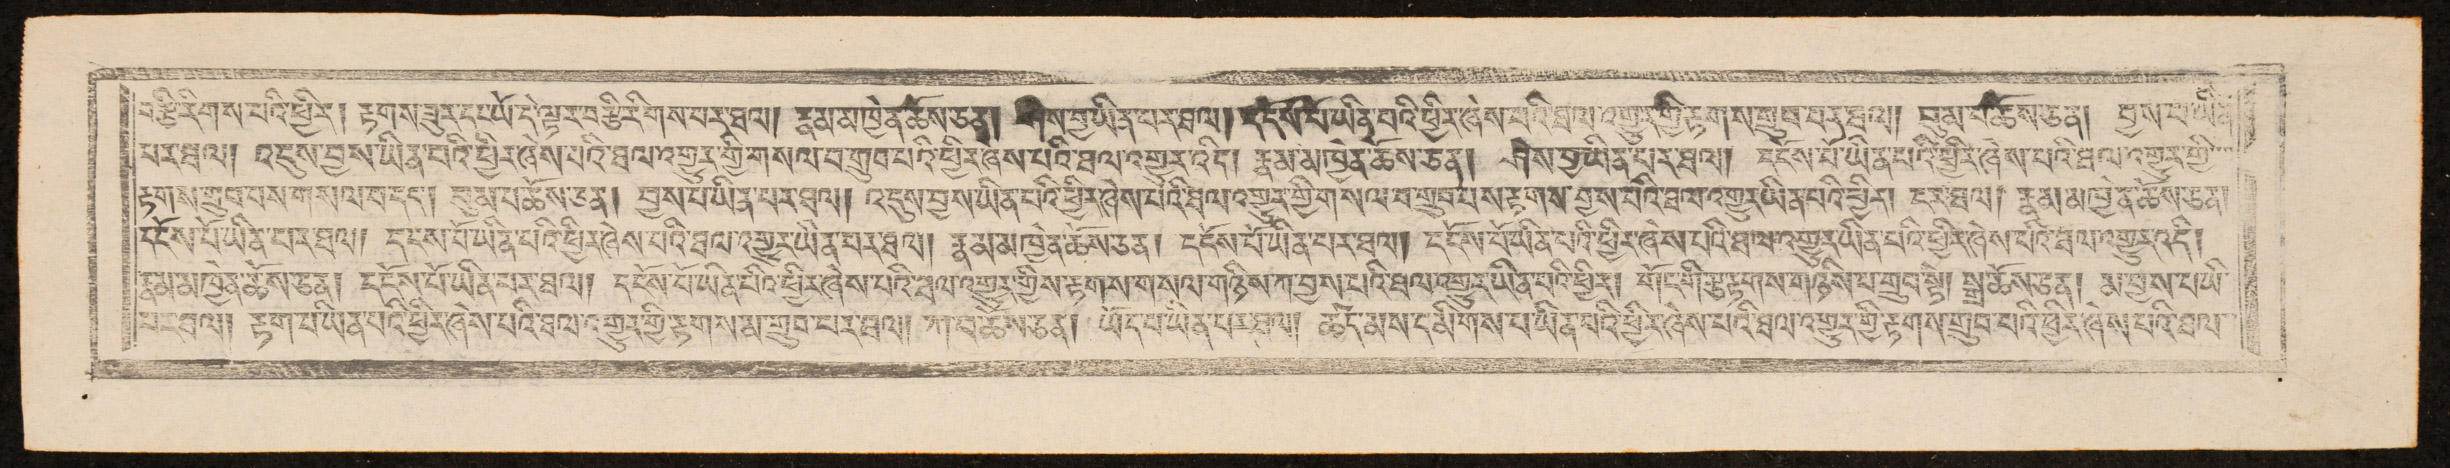བརྩི་རིགས་པའི་ཕྱིར། རྟགས་ཟུར་དང་པོ་དེ་ལྟར་བརྩི་རིགས་པར་ཐལ། རྣམ་མཁྱེན་ཆོས་ཅན། ཤེས་བྱ་ཡིན་པར་ཐལ། དངོས་པོ་ཡིན་པའི་ཕྱིར་ཞེས་པའི་ཐལ་འགྱུར་གྱི་རྟགས་གྲུབ་པར་ཐལ། བུམ་པ་ཆོས་ཅན། བྱས་པ་ཡིན་
པར་ཐལ། འདུས་བྱས་ཡིན་པའི་ཕྱིར་ཞེས་པའི་ཐལ་འགྱུར་གྱི་གསལ་བ་གྲུབ་པའི་ཕྱིར་ཞེས་པའི་ཐལ་འགྱུར་འདི། རྣམ་མཁྱེན་ཆོས་ཅན། ཤེས་བྱ་ཡིན་པར་ཐལ། དངོས་པོ་ཡིན་པའི་ཕྱིར་ཞེས་པའི་ཐལ་འགྱུར་གྱི་
རྟགས་གྲུབ་པས་གསལ་བ་དང་། བུམ་པ་ཆོས་ཅན། བྱས་པ་ཡིན་པར་ཐལ། འདུས་བྱས་ཡིན་པའི་ཕྱིར་ཞེས་པའི་ཐལ་འགྱུར་གྱི་གསལ་བ་གྲུབ་པས་རྟགས་བྱས་པའི་ཐལ་འགྱུར་ཡིན་པའི་ཕྱིར། དེར་ཐལ། རྣམ་མཁྱེན་ཆོས་ཅན།
དངོས་པོ་ཡིན་པར་ཐལ། དངོས་པོ་ཡིན་པའི་ཕྱིར་ཞེས་པའི་ཐལ་འགྱུར་ཡིན་པར་ཐལ། རྣམ་མཁྱེན་ཆོས་ཅན། དངོས་པོ་ཡིན་པར་ཐལ། དངོས་པོ་ཡིན་པའི་ཕྱིར་ཞེས་པའི་ཐལ་འགྱུར་ཡིན་པའི་ཕྱིར་ཞེས་པའི་ཐལ་འགྱུར་འདི།
རྣམ་མཁྱེན་ཆོས་ཅན། དངོས་པོ་ཡིན་པར་ཐལ། དངོས་པོ་ཡིན་པའི་ཕྱིར་ཞེས་པའི་ཐལ་འགྱུར་གྱིས་རྟགས་གསལ་གཉིས་ཀ་བྱས་པའི་ཐལ་འགྱུར་ཡིན་པའི་ཕྱིར། གོང་གི་རྩ་རྟགས་གཉིས་པ་གྲུབ་སྟེ། སྒྲ་ཆོས་ཅན། མ་བྱས་པ་ཡིན་
པར་ཐལ། རྟག་པ་ཡིན་པའི་ཕྱིར་ཞེས་པའི་ཐལ་འགྱུར་གྱི་རྟགས་མ་གྲུབ་པར་ཐལ། ཀ་བ་ཆོས་ཅན། ཡོད་པ་ཡིན་པར་ཐལ། ཚད་མས་དམིགས་པ་ཡིན་པའི་ཕྱིར་ཞེས་པའི་ཐལ་འགྱུར་གྱི་རྟགས་གྲུབ་པའི་ཕྱིར་ཞེས་པའི་ཐལ་